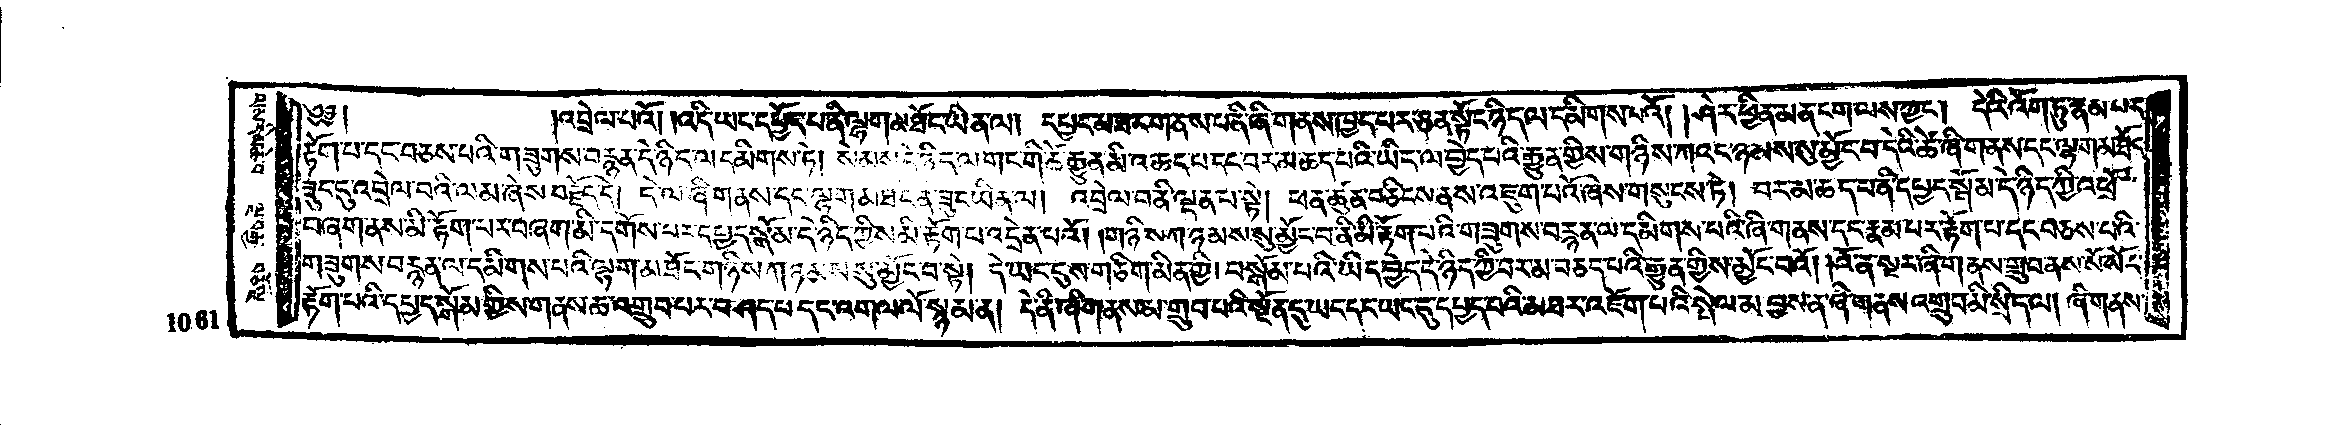༄༅། །འབྲེལ་བའོ། །འདི་ཡང་དཔྱོད་པ་ནི་ལྷག་མཐོང་ཡིན་ལ། དཔྱད་མཐར་གནས་པ་ནི་ཞི་གནས་ཁྱད་པར་ཅན་སྟོང་ཉིད་ལ་དམིགས་པའོ། །ཤེར་ཕྱིན་མན་ངག་ལས་ཀྱང་། དེའི་འོག་ཏུ་རྣམ་པར་
རྟོག་པ་དང་བཅས་པའི་གཟུགས་བརྙན་དེ་ཉིད་ལ་དམིགས་ཏེ། སེམས་དེ་ཉིད་ལ་གང་གི་ཚེ་རྒྱུན་མི་འཆད་པ་དང་བར་མ་ཆད་པའི་ཡིད་ལ་བྱེད་པའི་རྒྱུན་གྱིས་གཉིས་ཀའང་ཉམས་སུ་མྱོང་བ་དེའི་ཚེ་ཞི་གནས་དང་ལྷག་མཐོང་
ཟུང་དུ་འབྲེལ་བའི་ལམ་ཞེས་བརྗོད་དེ། དེ་ལ་ཞི་གནས་དང་ལྷག་མཐོང་ནི་ཟུང་ཡིན་ལ། འབྲེལ་བ་ནི་ལྡན་པ་སྟེ། ཕན་ཚུན་བཅིངས་ནས་འཇུག་པའོ་ཞེས་གསུངས་ཏེ། བར་མ་ཆད་པ་ནི་དཔྱད་སྒོམ་དེ་ཉིད་ཀྱི་འཕྲོ་
བཞག་ནས་མི་རྟོག་པར་བཞག་མི་དགོས་པར་དཔྱད་སྒོམ་དེ་ཉིད་ཀྱིས་མི་རྟོག་པ་འདྲེན་པའོ། །གཉིས་ཀ་ཉམས་སུ་མྱོང་བ་ནི་མི་རྟོག་པའི་གཟུགས་བརྙན་ལ་དམིགས་པའི་ཞི་གནས་དང་རྣམ་པར་རྟོག་པ་དང་བཅས་པའི་
གཟུགས་བརྙན་ལ་དམིགས་པའི་ལྷག་མཐོང་གཉིས་ཀ་ཉམས་སུ་མྱོང་བ་སྟེ། དེ་ཡང་དུས་གཅིག་མིན་གྱི། བསྒོམ་པའི་ཡིད་བྱེད་དེ་ཉིད་ཀྱི་བར་མ་བཅད་པའི་རྒྱུན་གྱིས་མྱོང་བའོ། །འོ་ན་སྔར་ཞི་གནས་གྲུབ་ནས་སོ་སོར་
རྟོག་པའི་དཔྱད་སྒོམ་གྱིས་གནས་ཆ་འགྲུབ་པར་བཤད་པ་དང་འགལ་ལོ་སྙམ་ན། དེ་ནི་ཞི་གནས་མ་གྲུབ་པའི་སྔོན་དུ་ཡང་དང་ཡང་དུ་དཔྱད་པའི་མཐར་འཇོག་པའི་སྤེལ་མ་བྱས་ན་ཞི་གནས་འགྲུབ་མི་སྲིད་ལ། ཞི་གནས་